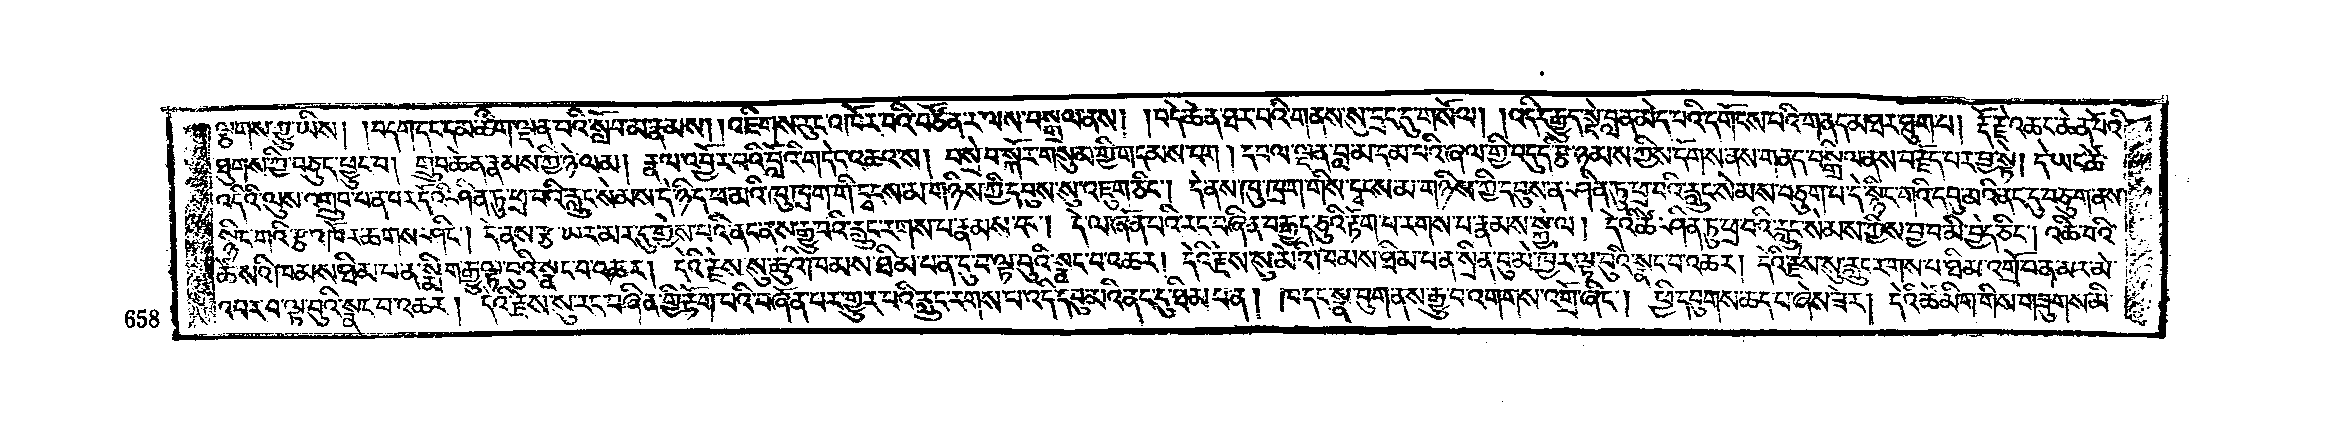ལྕགས་ཀྱུ་ཡིས། །བདག་དང་དམ་ཚིག་ལྡན་པའི་སློབ་མ་རྣམས། །འཇིགས་རུང་འཁོར་བའི་བཙོན་ར་ལས་བསྒྲལ་ནས། །བདེ་ཆེན་ཐར་པའི་གནས་སུ་དྲང་དུ་གསོལ། །འདིར་རྒྱུད་སྡེ་བླ་ན་མེད་པའི་དགོངས་པའི་གནད་མཐར་ཐུག་པ། རྡོ་རྗེ་འཆང་ཆེན་པོའི་
ཐུགས་ཀྱི་བཅུད་ཕྱུང་བ། གྲུབ་ཆེན་རྣམས་ཀྱི་ཉེ་ལམ། རྣལ་འབྱོར་པའི་བློའི་གདེང་འཆའ་ས། བསྲེ་བ་སྐོར་གསུམ་གྱི་གདམས་ངག །དཔལ་ལྡན་བླ་མ་དམ་པའི་ཞལ་གྱི་བདུད་རྩི་ཉམས་ཀྱིས་དོགས་ནས་གནད་བསྒྲིལ་ནས་བརྗོད་པར་བྱ་སྟེ། དེ་ཡང་ཚེ་
འདིའི་ལུས་འགྲུབ་པ་ན་བར་དོའི་ཤིན་ཏུ་ཕྲ་བའི་རླུང་སེམས་དེ་ཉིད་ཕ་མའི་ཁུ་ཁྲག་གི་དྭངས་མ་གཉིས་ཀྱི་དབུས་སུ་འཇུག་ཅིང་། དེ་ནས་ཁུ་ཁྲག་གིས་དྭངས་མ་གཉིས་ཀྱི་དབུས་ན་ཤིན་ཏུ་ཕྲ་བའི་རླུང་སེམས་བཅུག་པ་དེ་སྙིང་གའི་དབུ་མའི་ནང་དུ་བཅུག་ནས་
སྙིང་གའི་རྩ་འཁོར་ཆགས་ཤིང་། དེ་ནས་རྩ་ཡར་མར་དུ་གྱེས་པའི་ནང་ནས་རྒྱུ་བའི་རླུང་རགས་པ་རྣམས་དང་། དེ་ལ་ཞོན་པའི་རང་བཞིན་བརྒྱད་ཅུའི་རྟོག་པ་རགས་པ་རྣམས་སྐྱེ་ལ། དེའི་ཚེ་ཤིན་ཏུ་ཕྲ་བའི་རླུང་སེམས་ཀྱིས་བྱ་བ་མི་བྱེད་ཅིང་། འཆི་བའི་
ཚེ་སའི་ཁམས་ཐིམ་པ་ན་སྨིག་རྒྱུ་ལྟ་བུའི་སྣང་བ་འཆར། དེའི་རྗེས་སུ་ཆུའི་ཁམས་ཐིམ་པ་ན་དུ་བ་ལྟ་བུའི་སྣང་བ་འཆར། དེའི་རྗེས་སུ་མའི་ཁམས་ཐིམ་པ་ན་སྲིན་བུ་མེ་ཁྱེར་ལྟ་བུའི་སྣང་བ་འཆར། དེའི་རྗེས་སུ་རླུང་རགས་པ་ཐིམ་འགྲོ་བ་ན་མར་མེ་
འབར་བ་ལྟ་བུའི་སྣང་བ་འཆར། དེའི་རྗེས་སུ་རང་བཞིན་གྱི་རྟོག་པའི་བཞོན་པར་གྱུར་པའི་རླུང་རགས་པ་འདི་དབུ་མའི་ནང་དུ་ཐིམ་པ་ན། ཁ་དང་སྣ་བུག་ནས་རྒྱུ་བ་འགགས་འགྲོ་ཞིང་། ཕྱི་དབུགས་ཆད་པ་ཞེས་ཟེར། དེའི་ཚེ་མིག་གིས་གཟུགས་མི་